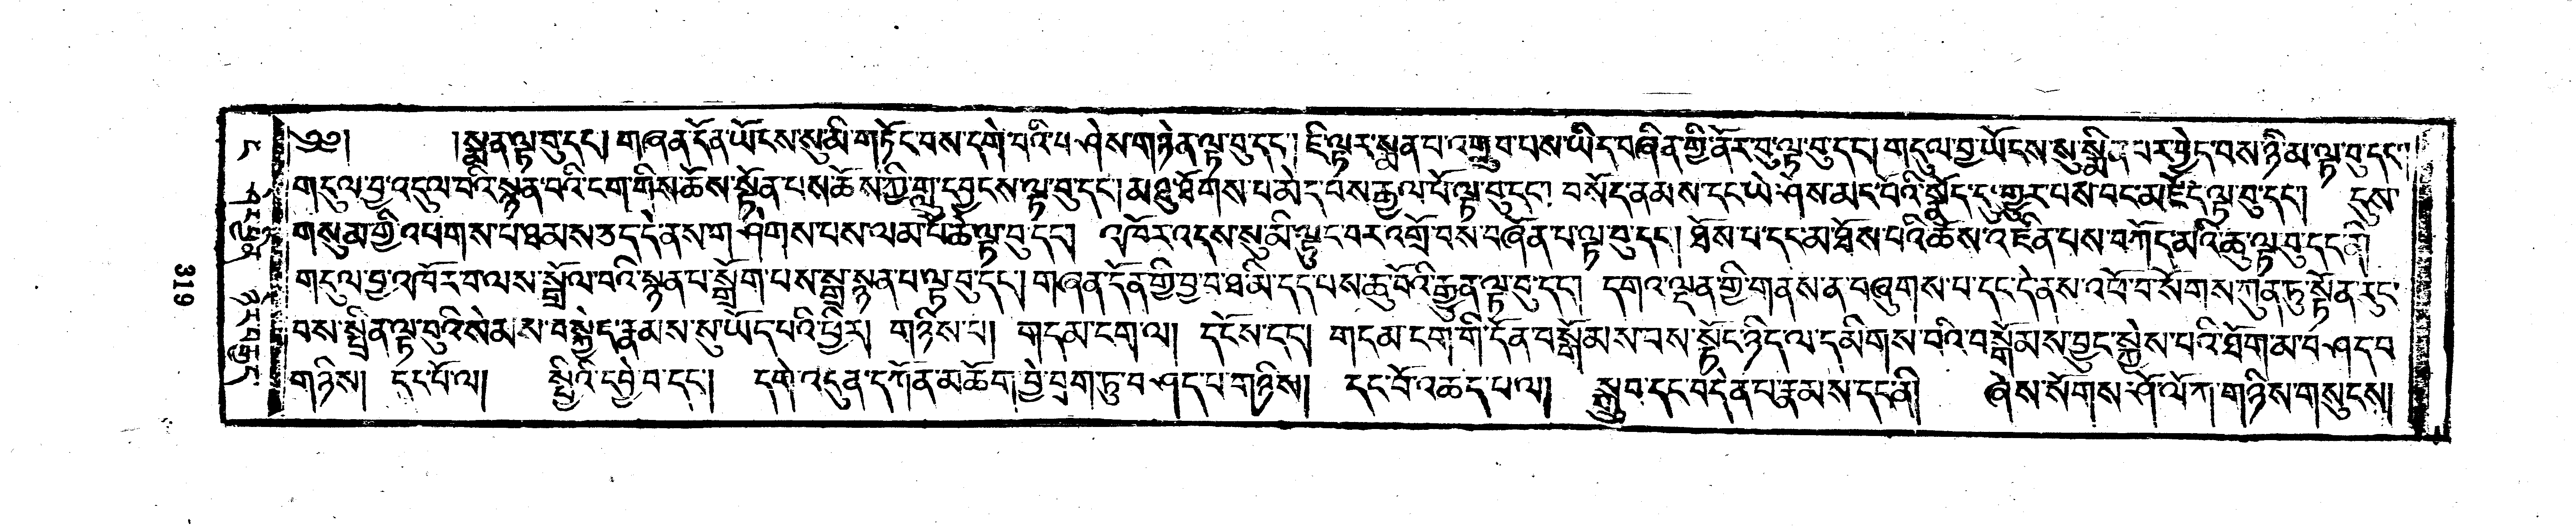༄༅། །སྨན་ལྟ་བུ་དང་། གཞན་དོན་ཡོངས་སུ་མི་གཏོང་བས་དགེ་བའི་བཤེས་གཉེན་ལྟ་བུ་དང་། ཇི་ལྟར་སྨོན་པ་འགྲུབ་པས་ཡིད་བཞིན་གྱི་ནོར་བུ་ལྟ་བུ་དང་། གདུལ་བྱ་ཡོངས་སུ་སྨིན་པར་བྱེད་པས་ཉི་མ་ལྟ་བུ་དང་།
གདུལ་བྱ་འདུལ་བའི་སྙན་པའི་ངག་གིས་ཆོས་སྟོན་པས་ཆོས་ཀྱི་གླུ་དབྱངས་ལྟ་བུ་དང་། མཐུ་ཐོགས་པ་མེད་པས་རྒྱལ་པོ་ལྟ་བུ་དང་། བསོད་ནམས་དང་ཡེ་ཤེས་མང་པོའི་སྣོད་དུ་གྱུར་པས་བང་མཛོད་ལྟ་བུ་དང་། དུས་
གསུམ་གྱི་འཕགས་པ་ཐམས་ཅད་དེ་ནས་གཤེགས་པས་ལམ་པོ་ཆེ་ལྟ་བུ་དང་། འཁོར་འདས་སུ་མི་ལྟུང་བར་འགྲོ་བས་བཞོན་པ་ལྟ་བུ་དང་། ཐོས་པ་དང་མ་ཐོས་པའི་ཆོས་འཛིན་པས་བཀོད་མའི་ཆུ་ལྟ་བུ་དང་ནི།
གདུལ་བྱ་འཁོར་བ་ལས་སྒྲོལ་བའི་སྙན་པ་སྒྲོག་པས་སྒྲ་སྙན་པ་ལྟ་བུ་དང་། གཞན་དོན་གྱི་བྱ་བ་ཐ་མི་དད་པས་ཆུ་བོའི་རྒྱུན་ལྟ་བུ་དང་། དགའ་ལྡན་གྱི་གནས་ན་བཞུགས་པ་དང་དེ་ནས་འཕོ་བ་སོགས་ཀུན་ཏུ་སྟོན་རུང་
བས་སྤྲིན་ལྟ་བུའི་སེམས་བསྐྱེད་རྣམས་སུ་ཡོད་པའི་ཕྱིར། གཉིས་པ། གདམ་ངག་ལ། དངོས་དང་། གདམ་ངག་གི་དོན་བསྒོམས་པས་སྟོང་ཉིད་ལ་དམིགས་པའི་བསྒོམས་བྱུང་སྐྱེས་པའི་ཐོག་མ་བཤད་པ་
གཉིས། དང་པོ་ལ། སྤྱིའི་དབྱེ་བ་དང་། དགེ་འདུན་དཀོན་མཆོག་བྱེ་བྲག་ཏུ་བཤད་པ་གཉིས། དང་པོ་འཆད་པ་ལ། སྒྲུབ་དང་བདེན་པ་རྣམས་དང་ནི། ཞེས་སོགས་ཤོ་ལོ་ཀ་གཉིས་གསུངས།